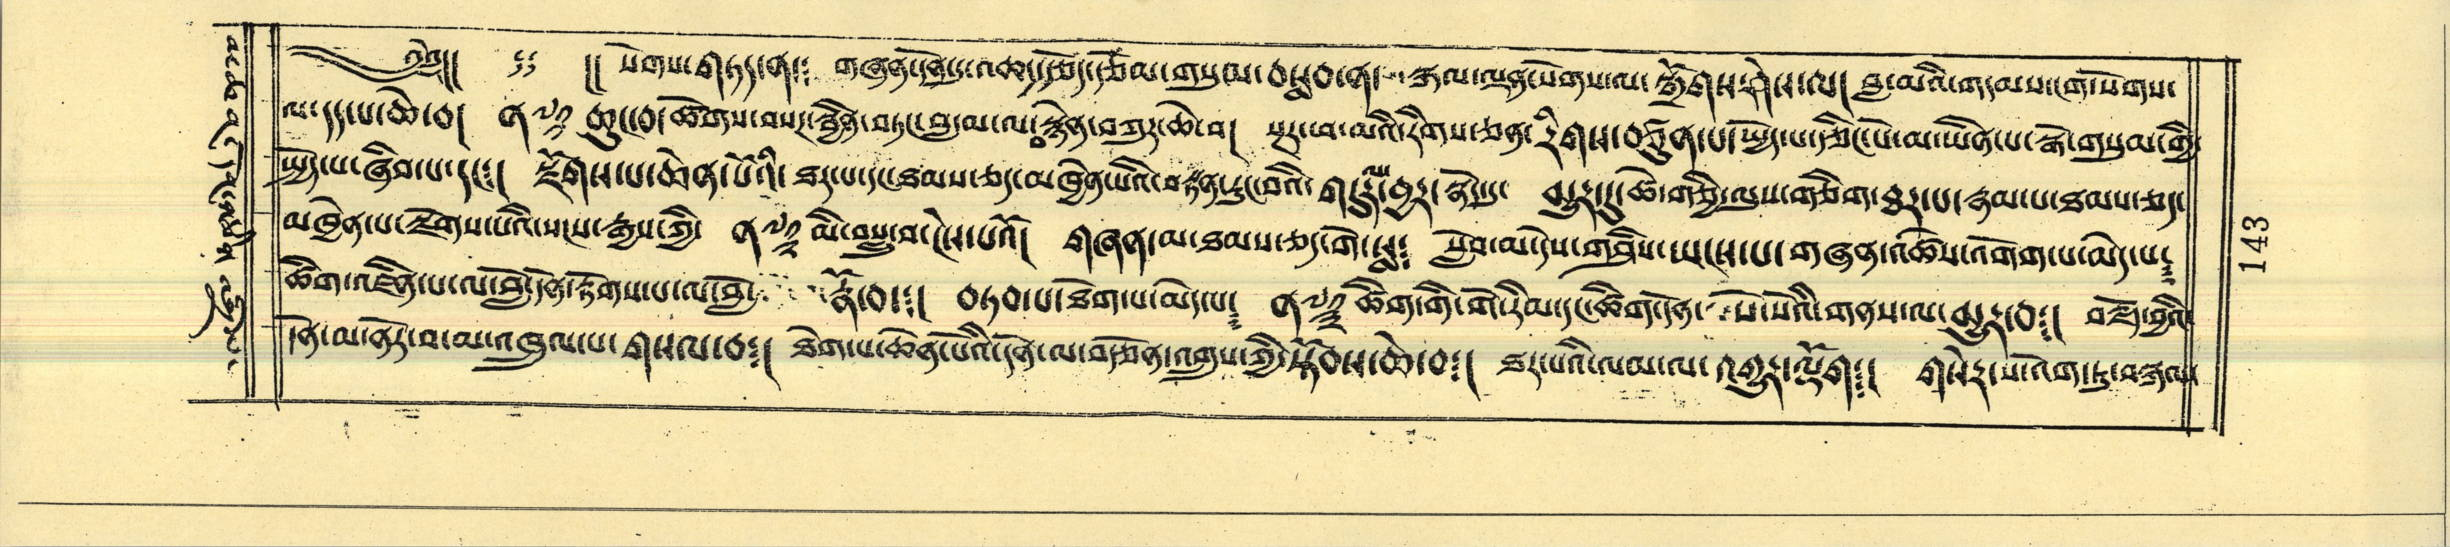སོགས་༼གཏད་ན༽གཞན་དོན་དུ་འཆད་རྕོད་རྩོམ་གསུམ་༼བསླབ་ན༽སྐལ་ལྡན་སོགས་ལ་༼སྒྲོགས་ཤེས་ལ༽བླ་མའི་གདམས་ངག་སོགས་
ལ་༼དད་པ་ཆེ་བ༽ན༧༡།༡༼ཆུང་བ༽ཚོགས་བསགས་སྦྱིན་བཏང་བླ་མ་ལ་བསྙེན་བཀུར་ཆེ་བ་སྔར་ཕ་མའི་རིགས་ཅན་ ༼རིགས་བཙུན་པ༽སྤྱོད་པ་རྩིང་པོ་མ་ཡིན་པ་སྒོ་གསུམ་གྱི་
སྤྱོད་པ་ཞིབ་པ་དང་།༼རྫོགས་པ་ཆེན་པོའི༽ཐར་པ་དང་ཐམས་ཅད་མཁྱེན་པའི་བརྟན་རུང་བའི་༼གདུལ་བྱར༽སྣོད་དུ་༼མྱུར་དུ༽ཚེ་གཅིག་ལུས་གཅིག་༼ཐར་པ༽རྣམ་པ་ཐམས་ཅད་
མཁྱེན་པ་རྫོགས་པའི་སངས་རྒྱས་ཀྱི་ན༧༡།༢ མི་བསླུ་བ་༼ངེས་པའོ༽༼གཞན་ལ༽ཐམས་ཅད་གོ་སླ། སློབ་མ་དེས་གཤིས་༼ཡངས་པ༽གཞན་འཚེས་འགོག་པ་མེད་པ་
ཚིག་འཛིན་པ་ལ་བློ་དོན་རྟོགས་པ་ལ་བློ་ ༼རྣོ་བ་༽༼བཏབ་པ༽ཐོགས་པ་མེད་པ་ན༧༡།༣ ཚིག་གི་གོ་རིམ་དང་ཚིག་དོན་སོ་སོའི་གནས་ལ་ ༼མྱུར་བ༽བརྗོད་བྱའི་
དོན་མ་ནོར་བ་མ་འཁྲུལ་པ་༼གསལ་བ༽ཐེག་པ་ཆེན་པོའི་དོན་ལ་བརྩོན་འགྲུས་ཀྱི་༼སྟོབས་ཆེ་བ༽ཐར་པའི་ལམ་ལ་༼འགྱུར་ལྡོག༽༼གསེར༽ས་འོག་ཏུ་བསྐལ་